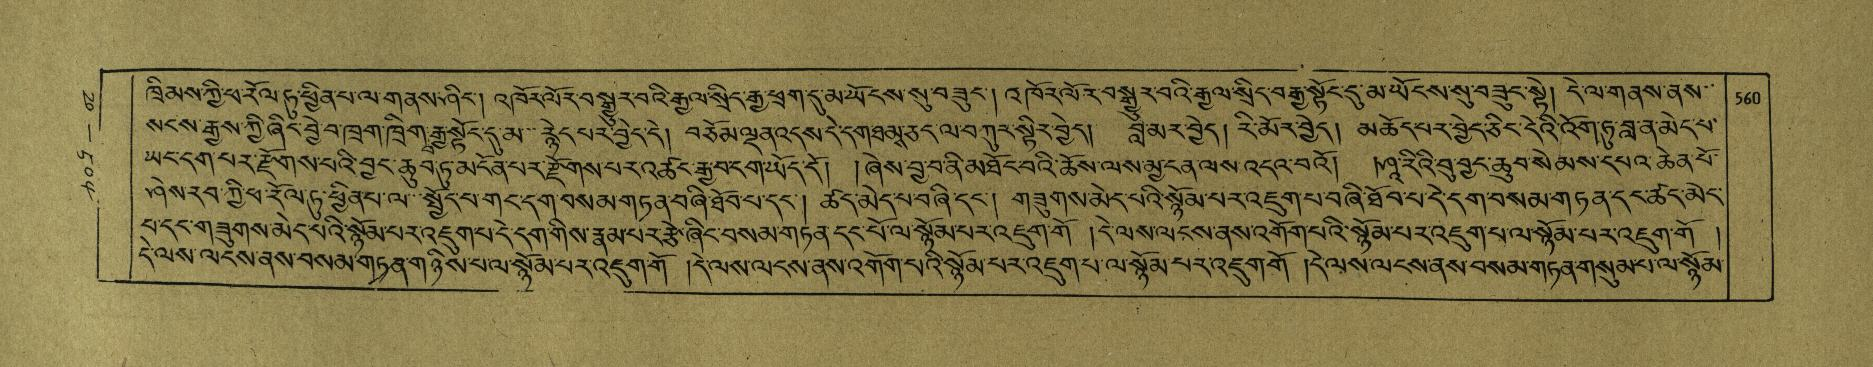ཁྲིམས་ཀྱི་ཕ་རོལ་ཏུ་ཕྱིན་པ་ལ་གནས་ཤིང་། འཁོར་ལོར་བསྒྱུར་བའི་རྒྱལ་སྲིད་རྒྱ་ཕྲག་དུ་མ་ཡོངས་སུ་བཟུང་། འཁོར་ལོར་བསྒྱུར་བའི་རྒྱལ་སྲིད་བརྒྱ་སྟོང་དུ་མ་ཡོངས་སུ་བཟུང་སྟེ། དེ་ལ་གནས་ནས་
སངས་རྒྱས་ཀྱི་ཞིང་བྱེ་བ་ཁྲག་ཁྲིག་པ་རྒྱ་སྟོང་དུ་མ་རྙེད་པར་བྱེད་དེ། བཅོམ་ལྡན་འདས་དེ་དག་ཐམས་ཅད་ལ་བཀུར་སྟིར་བྱེད། བླ་མར་བྱེད། རི་མོར་བྱེད། མཆོད་པར་བྱེད་ཅིང་དེའི་འོག་ཏུ་བླ་ན་མེད་པ་
ཡང་དག་པར་རྫོགས་པའི་བྱང་ཆུབ་ཏུ་མངོན་པར་རྫོགས་པར་འཚང་རྒྱ་བ་ངག་ཡོད་དོ། །ཞེས་བྱ་བ་ནི་མཐོང་བའི་ཆོས་ལས་མྱ་ངན་ལས་འདའ་བའོ། །ཤཱ་རིའི་བུ་བྱང་ཆུབ་སེམས་དཔའ་ཆེན་པོ་
ཤེས་རབ་ཀྱི་ཕ་རོལ་ཏུ་ཕྱིན་པ་ལ་སྤྱོད་པ་གང་དག་བསམ་གཏན་བཞི་ཐོབ་པ་དང་། ཚད་མེད་པ་བཞི་དང་། གཟུགས་མེད་པའི་སྙོམ་པར་འཇུག་པ་བཞི་ཐོབ་པ་དེ་དག་བསམ་གཏན་དང་ཚད་མེད་
པ་དང་གཟུགས་མེད་པའི་སྙོམ་པར་འཇུག་པ་དེ་དག་གིས་རྣམ་པར་རྩེ་ཞིང་བསམ་གཏན་དང་པོ་ལ་སྙོམ་པར་འཇུག་གོ །དེ་ལས་ལངས་ནས་འགོག་པའི་སྙོམ་པར་འཇུག་པ་ལ་སྙོམ་པར་འཇུག་གོ །
དེ་ལས་ལངས་ནས་བསམ་གཏན་གཉིས་པ་ལ་སྙོམ་པར་འཇུག་གོ །དེ་ལས་ལངས་ནས་འགོག་པའི་སྙོམ་པར་འཇུག་པ་ལ་སྙོམ་པར་འཇུག་གོ །དེ་ལས་ལངས་ནས་བསམ་གཏན་གསུམ་པ་ལ་སྙོམ་